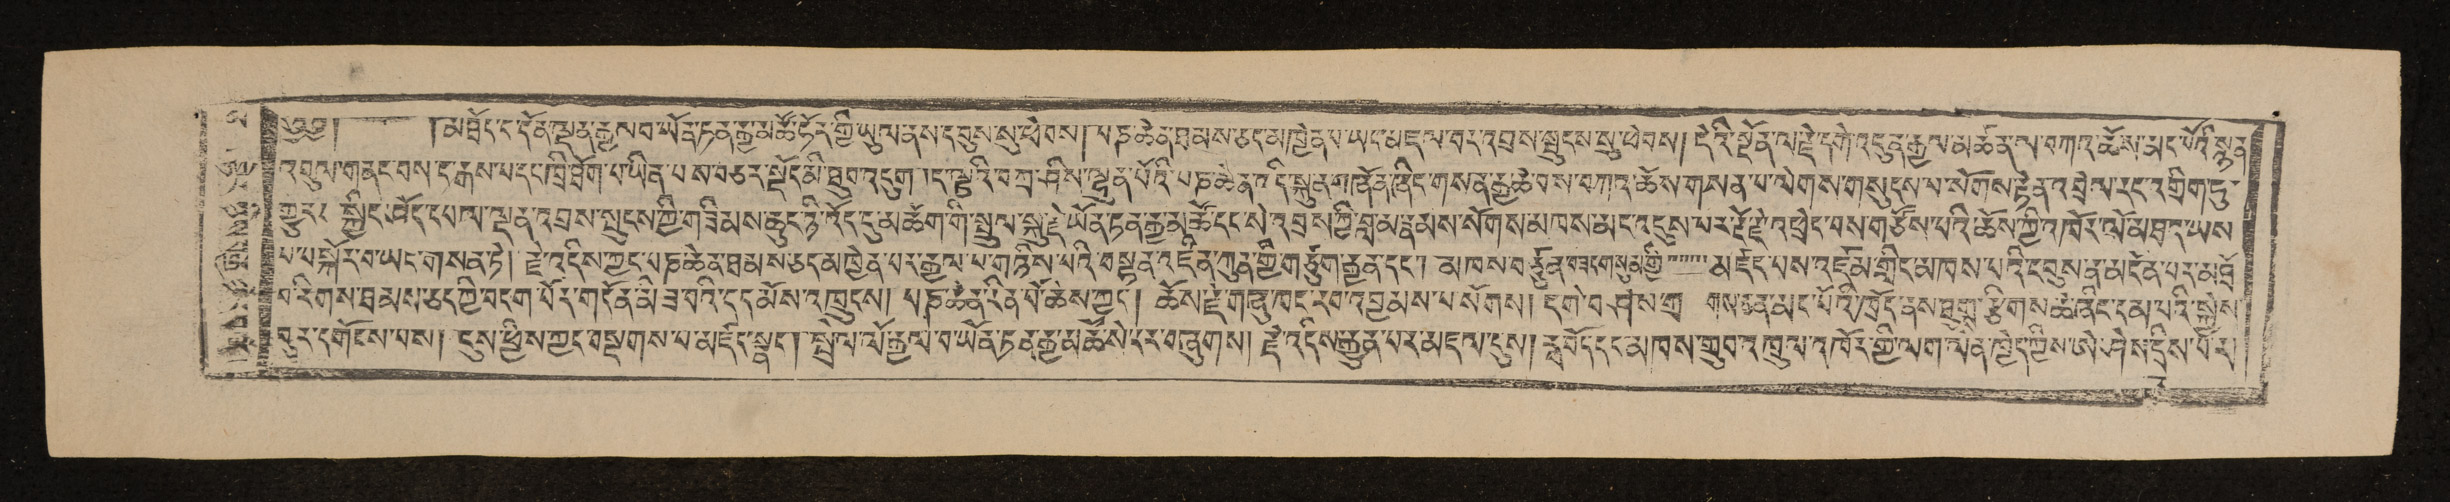༄༅། །མཐོང་བ་དོན་ལྡན་རྒྱལ་བ་ཡོན་ཏན་རྒྱ་མཚོ་ཧོར་གྱི་ཡུལ་ནས་དབུས་སུ་ཕེབས། པཎ་ཆེན་ཐམས་ཅད་མཁྱེན་པ་ཡང་མཇལ་བར་འབྲས་སྤུངས་སུ་ཕེབས། དེའི་སྔོན་ལ་རྗེ་དགེ་འདུན་རྒྱལ་མཚན་ལ་བཀའ་ཆོས་མང་པོའི་སྙན་
འབུལ་གནང་བསང་རྒས་པ་དང་ཁྲི་ཐོག་པ་ཡིན་པས་བཅར་སྡོད་མི་ཐུབ་འདུག །ད་ལྟའི་བཀྲ་ཤིས་ལྷུན་པོའི་པཎ་ཆེན་འདི་སྐུ་ན་གཞོན་ཞིང་གསན་རྒྱ་ཆེ་བས་བཀའ་ཆོས་གསན་པ་ལེགས་གསུངས་པ་སོགས་རྟེན་འབྲེལ་རང་འགྲིག་ཏུ་
གྱུར༑ སྐྱིད་ཤོད་དཔལ་ལྡན་འབྲས་སྤུངས་ཀྱི་གཟིམས་ཆུང་ཉི་འོད་དུ་མཆོག་གི་སྤྲུལ་སྐུ་རྗེ་ཡོན་ཏན་རྒྱ་མཚོ་དང་སེ་འབྲས་ཀྱི་བླ་མ་རྣམས་སོགས་མཁས་མང་འདུས་པར་རྡོ་རྗེ་འཕྲེང་བས་གཙོས་པའི་ཆོས་ཀྱི་འཁོར་ལོ་མཐའ་ཡས་
པ་བསྐོར་བ་ཡང་གསན་ཏེ། རྗེ་འདིས་ཀྱང་པཎ་ཆེན་ཐམས་ཅད་མཁྱེན་པར་རྒྱལ་པ་གཉིས་པའི་བསྟན་འཛིན་ཀུན་གྱི་གཙུག་རྒྱན་དང་། མཁས་བཙུན་བཟང་གསུམ་གྱི་མཛད་པས་འཛམ་གླིང་མཁས་པའི་དབུས་ན་མངོན་པར་མཐོ་
བ་རིགས་ཐམས་ཅད་ཀྱི་བདག་པོར་གདོན་མི་ཟ་བའི་དད་མོས་འཁྲུངས། པཎ་ཆེན་རིན་པོ་ཆེས་ཀྱང་། ཆོས་རྗེ་གཞུ་ཁང་རབ་འབྱམས་པ་སོགས། དགེ་བཤེས་གྲགས་ཅན་མང་པོའི་ཁྲོད་ནས་ཐུགས་རྩིགས་ཆེ་ཞིང་དམ་པའི་སྐྱེས་
བུར་དགོངས་པས། དུས་ཕྱིས་ཀྱང་བསྔགས་པ་མཛད་སྣང་། སྤྲེལ་ལོ་རྒྱལ་བ་ཡོན་ཏན་རྒྱ་མཚོ་སེ་རར་བཞུགས། རྗེ་འདིས་རྒྱུན་བར་མཇལ་དུས། རྭ་པོད་དང་མཁས་གྲུབ་འཁྲུལ་འཁོར་གྱི་ལག་ལེན་ཁྱེད་ཀྱིས་ཨེ་ཤེས་དྲིས་པར།